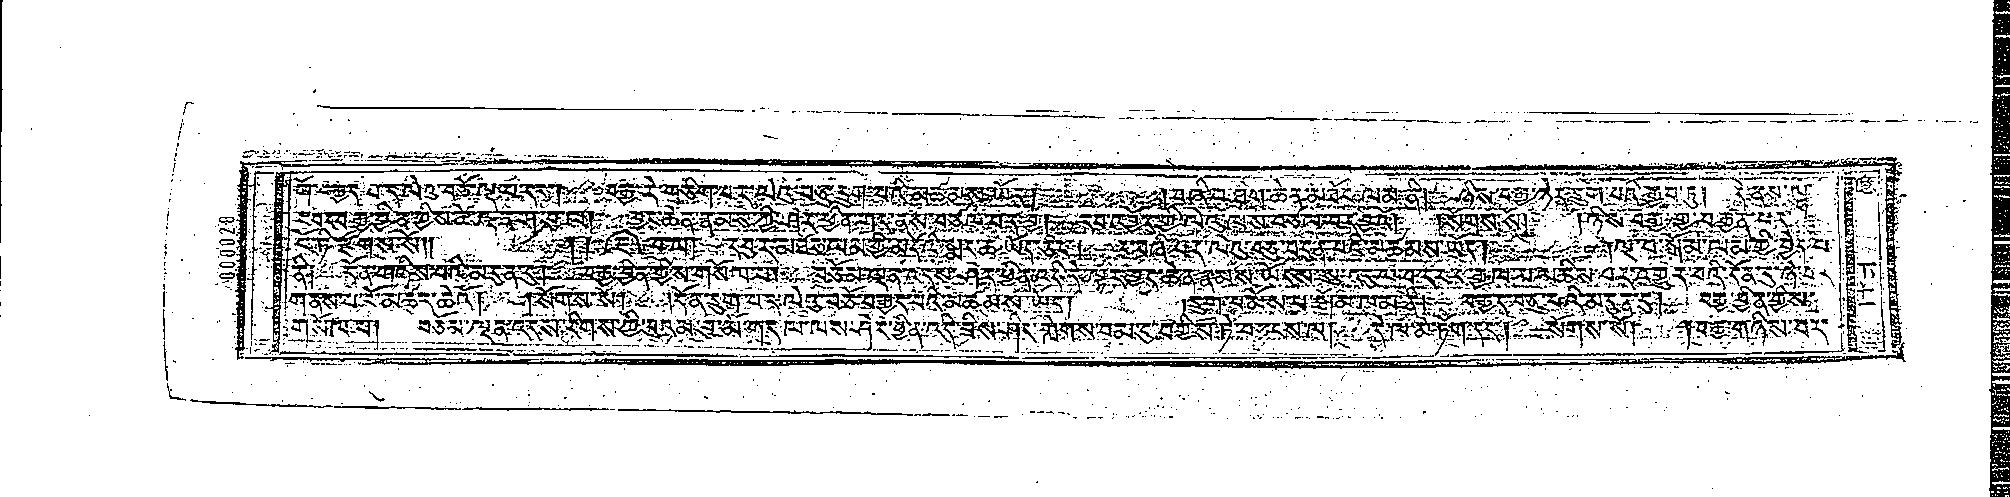གོ་བརྒྱད་པར་ལེའུ་བཅོ་ལྔ་པ་དང་། བརྒྱ་རེ་གཅིག་པར་ལེའུ་བཅུ་དྲུག་པའི་མཚམས་ཡོད། །བཞི་བ་ཐེག་ཆེན་མཐོང་ལམ་ནི། ཉིས་བརྒྱ་ཉེད་དྲུག་པའི་རྒྱབ་ཏུ། དེ་ནས་ལྷ་
དང་བརྒྱ་བྱིན་ཀྱིས་ཚེ་ལྡན་ཤ་བུ་ལ། བྱང་ཆེན་རྣམས་ཀྱི་ཤེར་ཕྱིན་གང་ནས་བཙལ་བར་བྱ། རབ་འབྱོར་གྱི་ལེའུ་ལས་བཙལ་བར་བྱའོ། །སོགས་སོ། །ཉིས་བརྒྱ་གྱ་བརྒྱད་པར་
པོ་ཏི་རྫོགས་སོ།། །།ཇ྄་པ་ལ། དབུར་མཐོང་ལམ་གྱི་མདོའི་སྨད་ཆ་ཡོད་ཅིང་། ང་བཞི་པར་ལེའུ་བཅུ་བདུན་པའི་མཚམས་ཡོད། །ལྔ་པ་སྒོམ་ལམ་གྱི་བྱེད་པ་
ནི། དོན་གཉིས་པའི་མདུན་དུ། བརྒྱ་བྱིན་གྱིས་གསོལ་པ། བཅོམ་ལྡན་འདས་ཤེར་ཕྱིན་འདི་དེ་ལྟར་བྱང་ཆེན་རྣམས་ཡོངས་སུ་འདུལ་བ་དང་ང་རྒྱལ་མ་མཆིས་པར་འགྱུར་བའི་དོན་དུ་ཉེ་བར་
གནས་པ་ངོ་མཚར་ཆེའོ། །སོགས་སོ། །དོན་དྲུག་པར་ལེའུ་བཅོ་བརྒྱད་པའི་མཚམས་ཡོད། །དྲུག་པ་མོས་པ་སྒོམ་ལམ་ནི། བརྒྱད་བཅུ་པའི་མདུན་དུ། བརྒྱ་བྱིན་གྱིས་
གསོལ་པ། བཅོམ་ལྡན་འདས་རིགས་ཀྱི་བུའམ་བུ་མོ་གང་ལ་ལས་ཤེར་ཕྱིན་འདི་བྲིས་ཤིང་གླེགས་བམ་དུ་བགྱིས་ཏེ་བཅངས་ལ། དེ་ལ་མེ་ཏོག་དང་། སོགས་སོ། །བརྒྱ་གཉིས་བར་